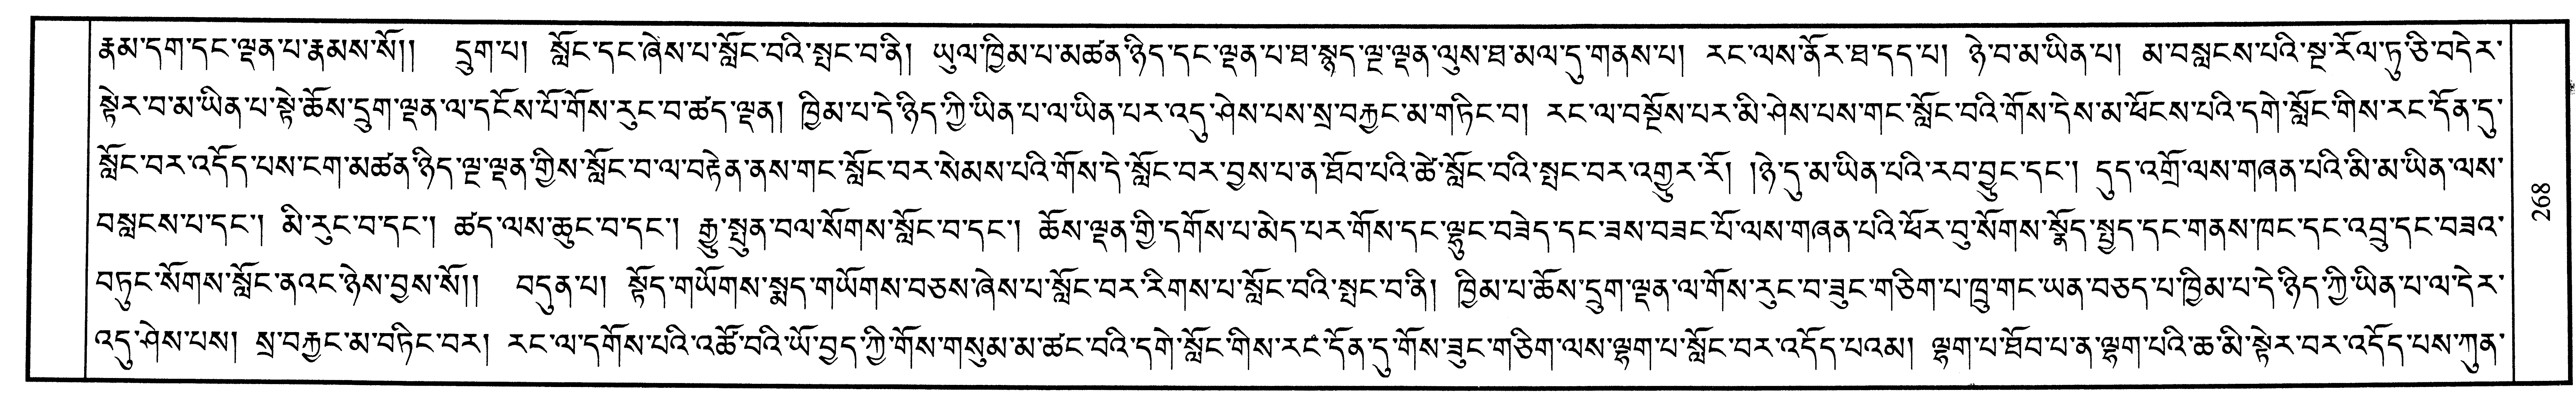རྣམ་དག་དང་ལྡན་པ་རྣམས་སོ།། དྲུག་པ། སློང་དང་ཞེས་པ་སློང་བའི་སྤང་བ་ནི། ཡུལ་ཁྱིམ་པ་མཚན་ཉིད་དང་ལྡན་པ་ཐ་སྙད་ལྔ་ལྡན་ལུས་ཐ་མལ་དུ་གནས་པ། རང་ལས་ནོར་ཐ་དད་པ། ཉེ་བ་མ་ཡིན་པ། མ་བསླངས་པའི་སྔ་རོལ་ཏུ་ཅི་བདེར་
སྟེར་བ་མ་ཡིན་པ་སྟེ་ཆོས་དྲུག་ལྡན་ལ་དངོས་པོ་གོས་རུང་བ་ཚད་ལྡན། ཁྱིམ་པ་དེ་ཉིད་ཀྱི་ཡིན་པ་ལ་ཡིན་པར་འདུ་ཤེས་པས་སྲ་བརྐྱང་མ་གཏིང་བ། རང་ལ་བསྔོས་པར་མི་ཤེས་པས་གང་སློང་བའི་གོས་དེས་མ་ཕོངས་པའི་དགེ་སློང་གིས་རང་དོན་དུ་
སློང་བར་འདོད་པས་ངག་མཚན་ཉིད་ལྔ་ལྡན་གྱིས་སློང་བ་ལ་བརྟེན་ནས་གང་སློང་བར་སེམས་པའི་གོས་དེ་སློང་བར་བྱས་པ་ན་ཐོབ་པའི་ཚེ་སློང་བའི་སྤང་བར་འགྱུར་རོ། །ཉེ་དུ་མ་ཡིན་པའི་རབ་བྱུང་དང་། དུད་འགྲོ་ལས་གཞན་པའི་མི་མ་ཡིན་ལས་
བསླངས་པ་དང་། མི་རུང་བ་དང་། ཚད་ལས་ཆུང་བ་དང་། རྒྱུ་སྤུན་བལ་སོགས་སློང་བ་དང་། ཆོས་ལྡན་གྱི་དགོས་པ་མེད་པར་གོས་དང་ལྷུང་བཟེད་དང་ཟས་བཟང་པོ་ལས་གཞན་པའི་ཕོར་བུ་སོགས་སྣོད་སྤྱད་དང་གནས་ཁང་དང་འབྲུ་དང་བཟའ་
བཏུང་སོགས་སློང་ནའང་ཉེས་བྱས་སོ།། བདུན་པ། སྟོད་གཡོགས་སྨད་གཡོགས་བཅས་ཞེས་པ་སློང་བར་རིགས་པ་སློང་བའི་སྤང་བ་ནི། ཁྱིམ་པ་ཆོས་དྲུག་ལྡན་ལ་གོས་རུང་བ་ཟུང་གཅིག་པ་ཁྲུ་གང་ཡན་བཅད་པ་ཁྱིམ་པ་དེ་ཉིད་ཀྱི་ཡིན་པ་ལ་དེར་
འདུ་ཤེས་པས། སྲ་བརྐྱང་མ་བཏིང་བར། རང་ལ་དགོས་པའི་འཚོ་བའི་ཡོ་བྱད་ཀྱི་གོས་གསུམ་མ་ཚང་བའི་དགེ་སློང་གིས་རང་དོན་དུ་གོས་ཟུང་གཅིག་ལས་ལྷག་པ་སློང་བར་འདོད་པའམ། ལྷག་པ་ཐོབ་པ་ན་ལྷག་པའི་ཆ་མི་སྟེར་བར་འདོད་པས་ཀུན་